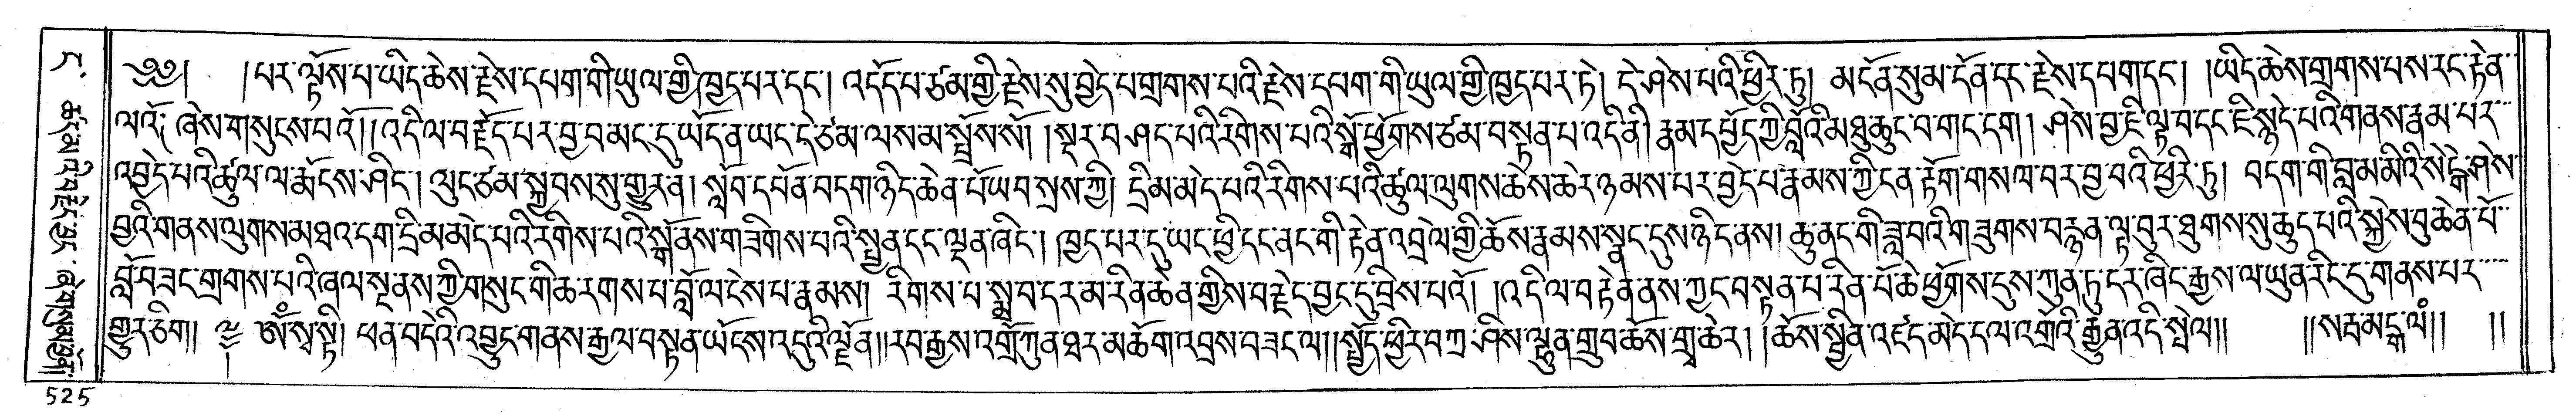༄༅། །པར་ལྟོས་པ་ཡིད་ཆེས་རྗེས་དཔག་གི་ཡུལ་གྱི་ཁྱད་པར་དང་། འདོད་པ་ཙམ་གྱི་རྗེས་སུ་བྱེད་པ་གྲགས་པའི་རྗེས་དཔག་གི་ཡུལ་གྱི་ཁྱད་པར་ཏེ། དེ་ཤེས་པའི་ཕྱིར་ཏུ། མངོན་སུམ་དོན་དང་རྗེས་དཔག་དང་། །ཡིད་ཆེས་གྲགས་པས་རང་རྟེན་
ལའོ༑ ཞེས་གསུངས་པའོ། །འདི་ལ་བརྗོད་པར་བྱ་བ་མང་དུ་ཡོད་ན་ཡང་དེ་ཙམ་ལས་མ་སྤྲོས་སོ། །སྔར་བཤད་པའི་རིགས་པའི་སྒོ་ཕྱོགས་ཙམ་བསྟན་པ་འདི་ནི། རྣམ་དཔྱོད་ཀྱི་བློའི་མཐུ་ཆུང་བ་གང་དག། ཤེས་བྱ་ཇི་ལྟ་བ་དང་ཇི་སྙེད་པའི་གནས་རྣམ་པར་
འབྱེད་པའི་ཚུལ་ལ་རྨོངས་ཤིང་། ལུང་ཙམ་སྐྱབས་སུ་གྱུར་ན། སློབ་དཔོན་བདག་ཉིད་ཆེན་པོ་ཡབ་སྲས་ཀྱི། དྲི་མ་མེད་པའི་རིགས་པའི་ཚུལ་ལུགས་ཆེས་ཆེར་ཉམས་པར་བྱེད་པ་རྣམས་ཀྱི་ངན་རྟོག་གསལ་བར་བྱ་བའི་ཕྱིར་ཏུ། བདག་གི་བླ་མ་མིའི་སེངྒེ་ཤེས་
བྱའི་གནས་ལུགས་མཐའ་དག་དྲི་མ་མེད་པའི་རིགས་པའི་སྒོ་ནས་གཟིགས་པའི་སྤྱན་དང་ལྡན་ཞིང་། ཁྱད་པར་དུ་ཡང་ཕྱི་དང་ནང་གི་རྟེན་འབྲེལ་གྱི་ཆོས་རྣམས་སྣང་དུས་ཉིད་ནས། ཆུ་ནང་གི་ཟླ་བའི་གཟུགས་བརྙན་ལྟ་བུར་ཐུགས་སུ་ཆུད་པའི་སྐྱེས་བུ་ཆེན་པོ་
བློ་བཟང་གྲགས་པའི་ཞལ་སྔ་ནས་ཀྱི་གསུང་གི་ཆ་རིགས་པ་བློ་ལ་ངེས་པ་རྣམས། རིགས་པ་སྨྲ་བ་དར་མ་རིན་ཆེན་གྱིས་བརྗེད་བྱང་དུ་བྲིས་པའོ། །འདི་ལ་བརྟེན་ནས་ཀྱང་བསྟན་པ་རིན་པོ་ཆེ་ཕྱོགས་དུས་ཀུན་ཏུ་དར་ཞིང་རྒྱས་ལ་ཡུན་རིང་དུ་གནས་པར་
གྱུར་ཅིག། ༈ ཨོཾ་སྭསྟི། ཕན་བདེའི་འབྱུང་གནས་རྒྱལ་བསྟན་ཡོངས་འདུའི་ལྗོན། །རབ་རྒྱས་འགྲོ་ཀུན་ཐར་མཆོག་འབྲས་བཟང་ལ། །སྤྱོད་ཕྱིར་བཀྲ་ཤིས་ལྷུན་གྲུབ་ཆོས་གྲྭ་ཆེར། །ཆོས་སྦྱིན་འཛད་མེད་དལ་འགྲོའི་རྒྱུན་འདི་སྤེལ།། །།སརྦ་མངྒ་ལཾ།། །།